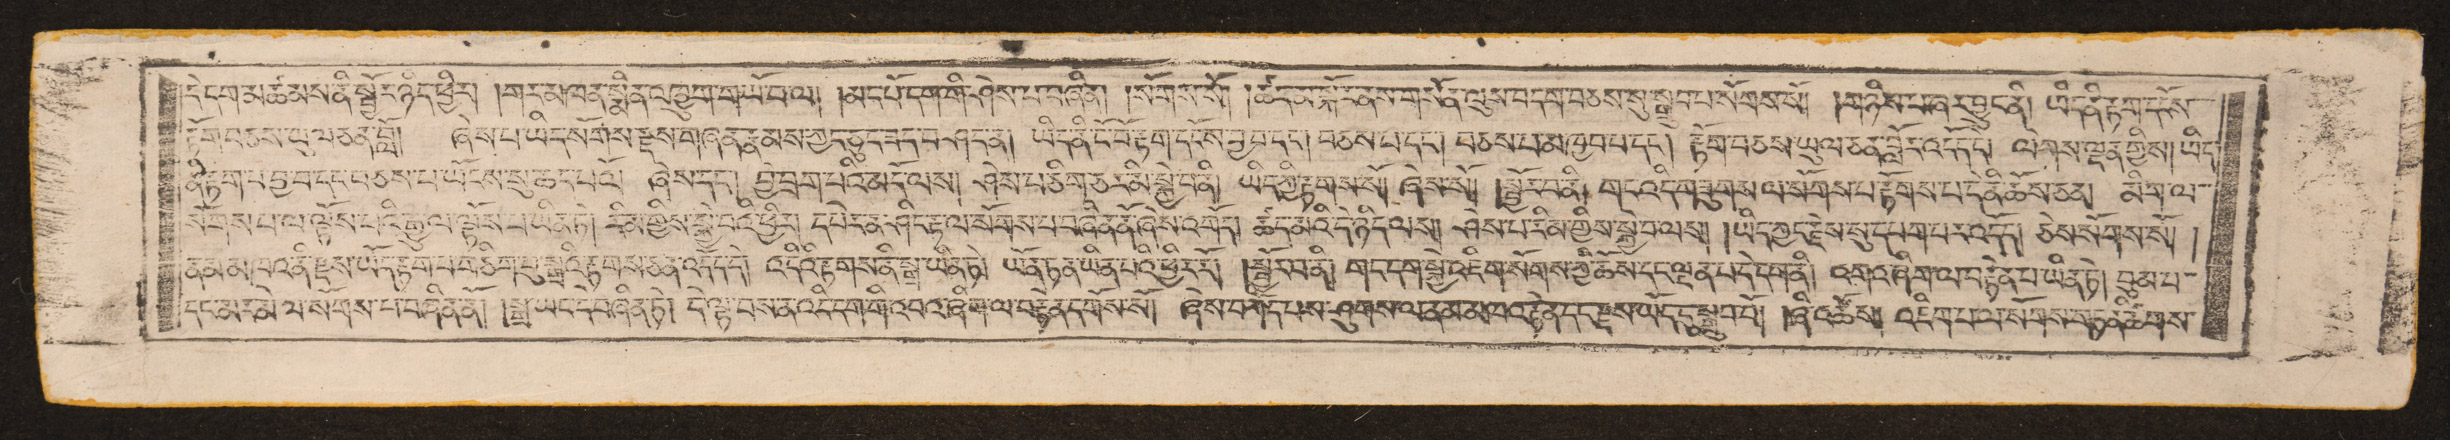དེ་དག་མཚམས་ནི་སྦྱོར་ཉིད་ཕྱིར། །གར་མཁན་སྨིན་འཁྱུག་གཡོ་བ་ལ། །མང་པོ་དག་གི་ཤེས་པ་བཞིན། །སོགས་སོ། །ཚད་མ་སྐོར་ནས་གསོན་ལུས་བདག་བཅས་སུ་སྒྲུབ་པ་སོགས་སོ། །གཉིས་པ་ཞར་བྱུང་ནི། ཡིད་ནི་རྟག་དངོས་
རྟོག་བཅས་ཡུལ་ཅན་བློ། ཞེས་པ་ཡིད་སོགས་རྫས་གཞན་རྣམས་ཀྱང་ཅུང་ཟད་བཤད་ན། ཡིད་ནི་ངོ་བོ་རྟག་དངོས་བྱ་བ་དང་། བཅས་པ་དང་། བཅས་པ་མ་ཁྱབ་པ་དང་། རྟོག་བཅས་ཡུལ་ཅན་བློར་འདོད་དེ། ལེགས་ལྡན་གྱིས། ཡིད་
ནི་རྟག་པ་བྱ་བ་དང་བཅས་པ་ཡོངས་སུ་ཆད་པའོ། ཞེས་དང་། བྱེ་བྲག་པའི་མདོ་ལས། ཤེས་པ་ཅིག་ཅར་མི་སྐྱེ་བ་ནི། ཡིད་ཀྱི་རྟགས་སོ། ཞེས་སོ། །སྦྱོར་བ་ནི། གང་འདི་གཟུགས་ལ་སོགས་པ་རྟོགས་པ་དེ་ནི་ཆོས་ཅན། མིག་ལ་
སོགས་པ་ལ་ལྟོས་པའི་རྒྱུ་ལ་ལྟོས་པ་ཡིན་ཏེ། རིམ་གྱིས་སྐྱེ་བའི་ཕྱིར། དཔེར་ན་ཤིང་རྟ་ལ་སོགས་པ་བཞིན་ནོ་ཞེས་འགོད། ཚད་མའི་དེ་ཉིད་ལས། ཤེས་པ་རིམ་གྱིས་སྐྱེ་བ་ལས། །ཡིད་ཀྱང་རྗེས་སུ་དཔག་པར་འདོད། ཅེས་སོགས་སོ། །
ནམ་མཁའ་ནི་རྫས་ཡོད་རྟག་པ་གཅིག་པུ་སྒྲའི་རྟགས་ཅན་འདོད་དེ། འདིའི་རྟགས་ནི་སྒྲ་ཡིན་ཏེ། ཡོན་ཏན་ཡིན་པའི་ཕྱིར་རོ། །སྦྱོར་བ་ནི། གང་དག་སྐྱེ་འཇིག་སོགས་ཀྱི་ཆོས་དང་ལྡན་པ་དེ་དག་ནི། འགའ་ཞིག་ལ་བརྟེན་པ་ཡིན་ཏེ། བུམ་པ་
དང་མར་མེ་ལ་སོགས་པ་བཞིན་ནོ། །སྒྲ་ཡང་དེ་བཞིན་ཏེ། དེ་ལྟ་བས་ན་འདི་དག་གི་འབའ་ཞིག་ལ་བརྟེན་དགོས་སོ། ཞེས་བཀོད་པས་ཤུགས་ལ་ནམ་མཁའ་རྟེན་དང་རྫས་ཡོད་དུ་སྒྲུབ་པོ། །ཞི་འཚོས། འཇིག་པ་ལ་སོགས་གཏན་ཚིགས་